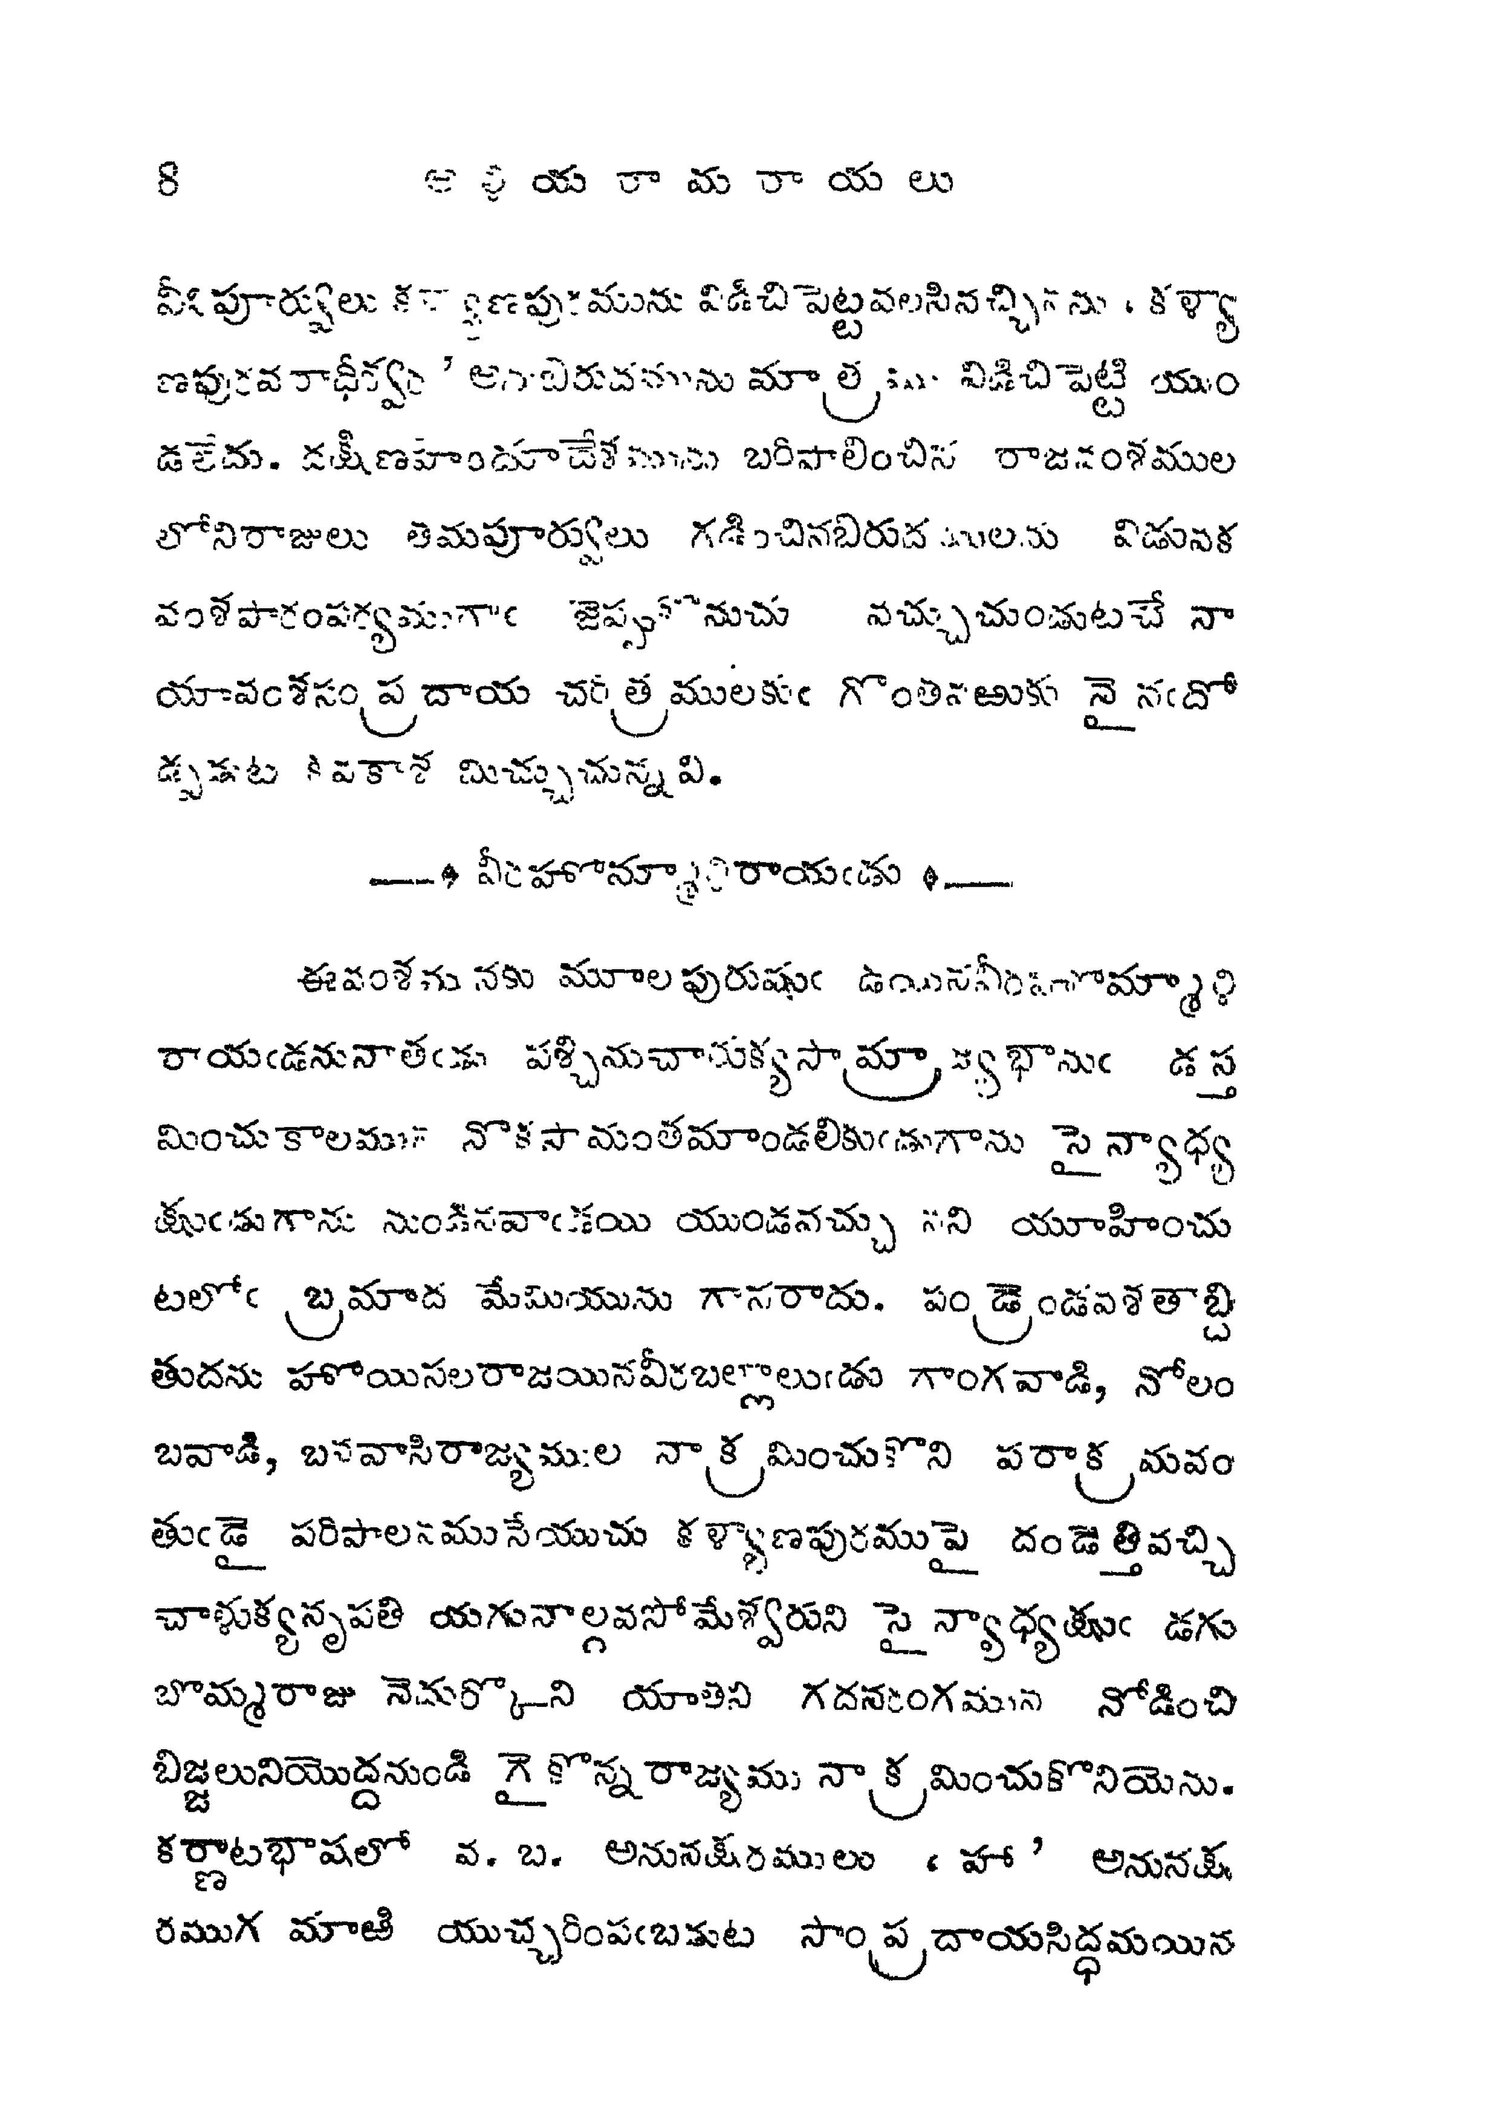వీనిపూర్వులు కళ్యాణపురమును విడిచిపెట్టవలసివచ్చినను 'కళ్యాణపురవరాధీశ్వర' అనిబిరుదమును మాత్రము విడిచిపెట్టి యుండలేదు. దక్షిణహిందూదేశమును బరిపాలించిన రాజవంశములలోని రాజులు తమపూర్వులు గడించినబిరుదములను విడువక వంశపారంపర్యముగా జెప్పుకొనుచు వచ్చుచుండుటచే నాయావంశసంప్రదాయ చరిత్రములకు గొంతవఱకు నైనదోడ్పడుట కవకాశ మిచ్చుచున్నవి.

ఈవంశమునకు మూలపురుషు డయినవీరహొమ్మాళి రాయడనునాతడు పశ్చిమచాళుక్య సామ్రాజ్యభాను డస్తమించుకాలమున నొకసామంతమాండలికుడుగాను సైన్యాధ్యక్షుడుగాను నుండినవాడయి యుండవచ్చు నని యూహించుటలో బ్రమాద మేమియును గానరాదు. పండ్రెండవశతాబ్ది తుదను హొయిసలరాజయిన వీరబల్లాలుడు గాంగవాడి, నోలంబవాడి, బవవాసిరాజ్యముల నాక్రమించుకొని పరాక్రమవంతుడై పరిపాలనముసేయుచు కళ్యాణపురముపై దండెత్తివచ్చి చాళుక్యనృపతి యగునాల్గవసోమేశ్వరుని సైన్యాధ్యక్షు డగు బొమ్మరాజు నెదుర్కొని యాతని గదనరంగమున నోడించి బిజ్జలునియొద్దనుండి గైకొన్నరాజ్యము నాక్రమించుకొనియెను. కర్ణాటభాషలో వ. బ. అనునక్షరములు 'హా' అనునక్షరముగ మాఱి యుచ్చరింపబడుట సాంప్రదాయసిద్ధమయిన